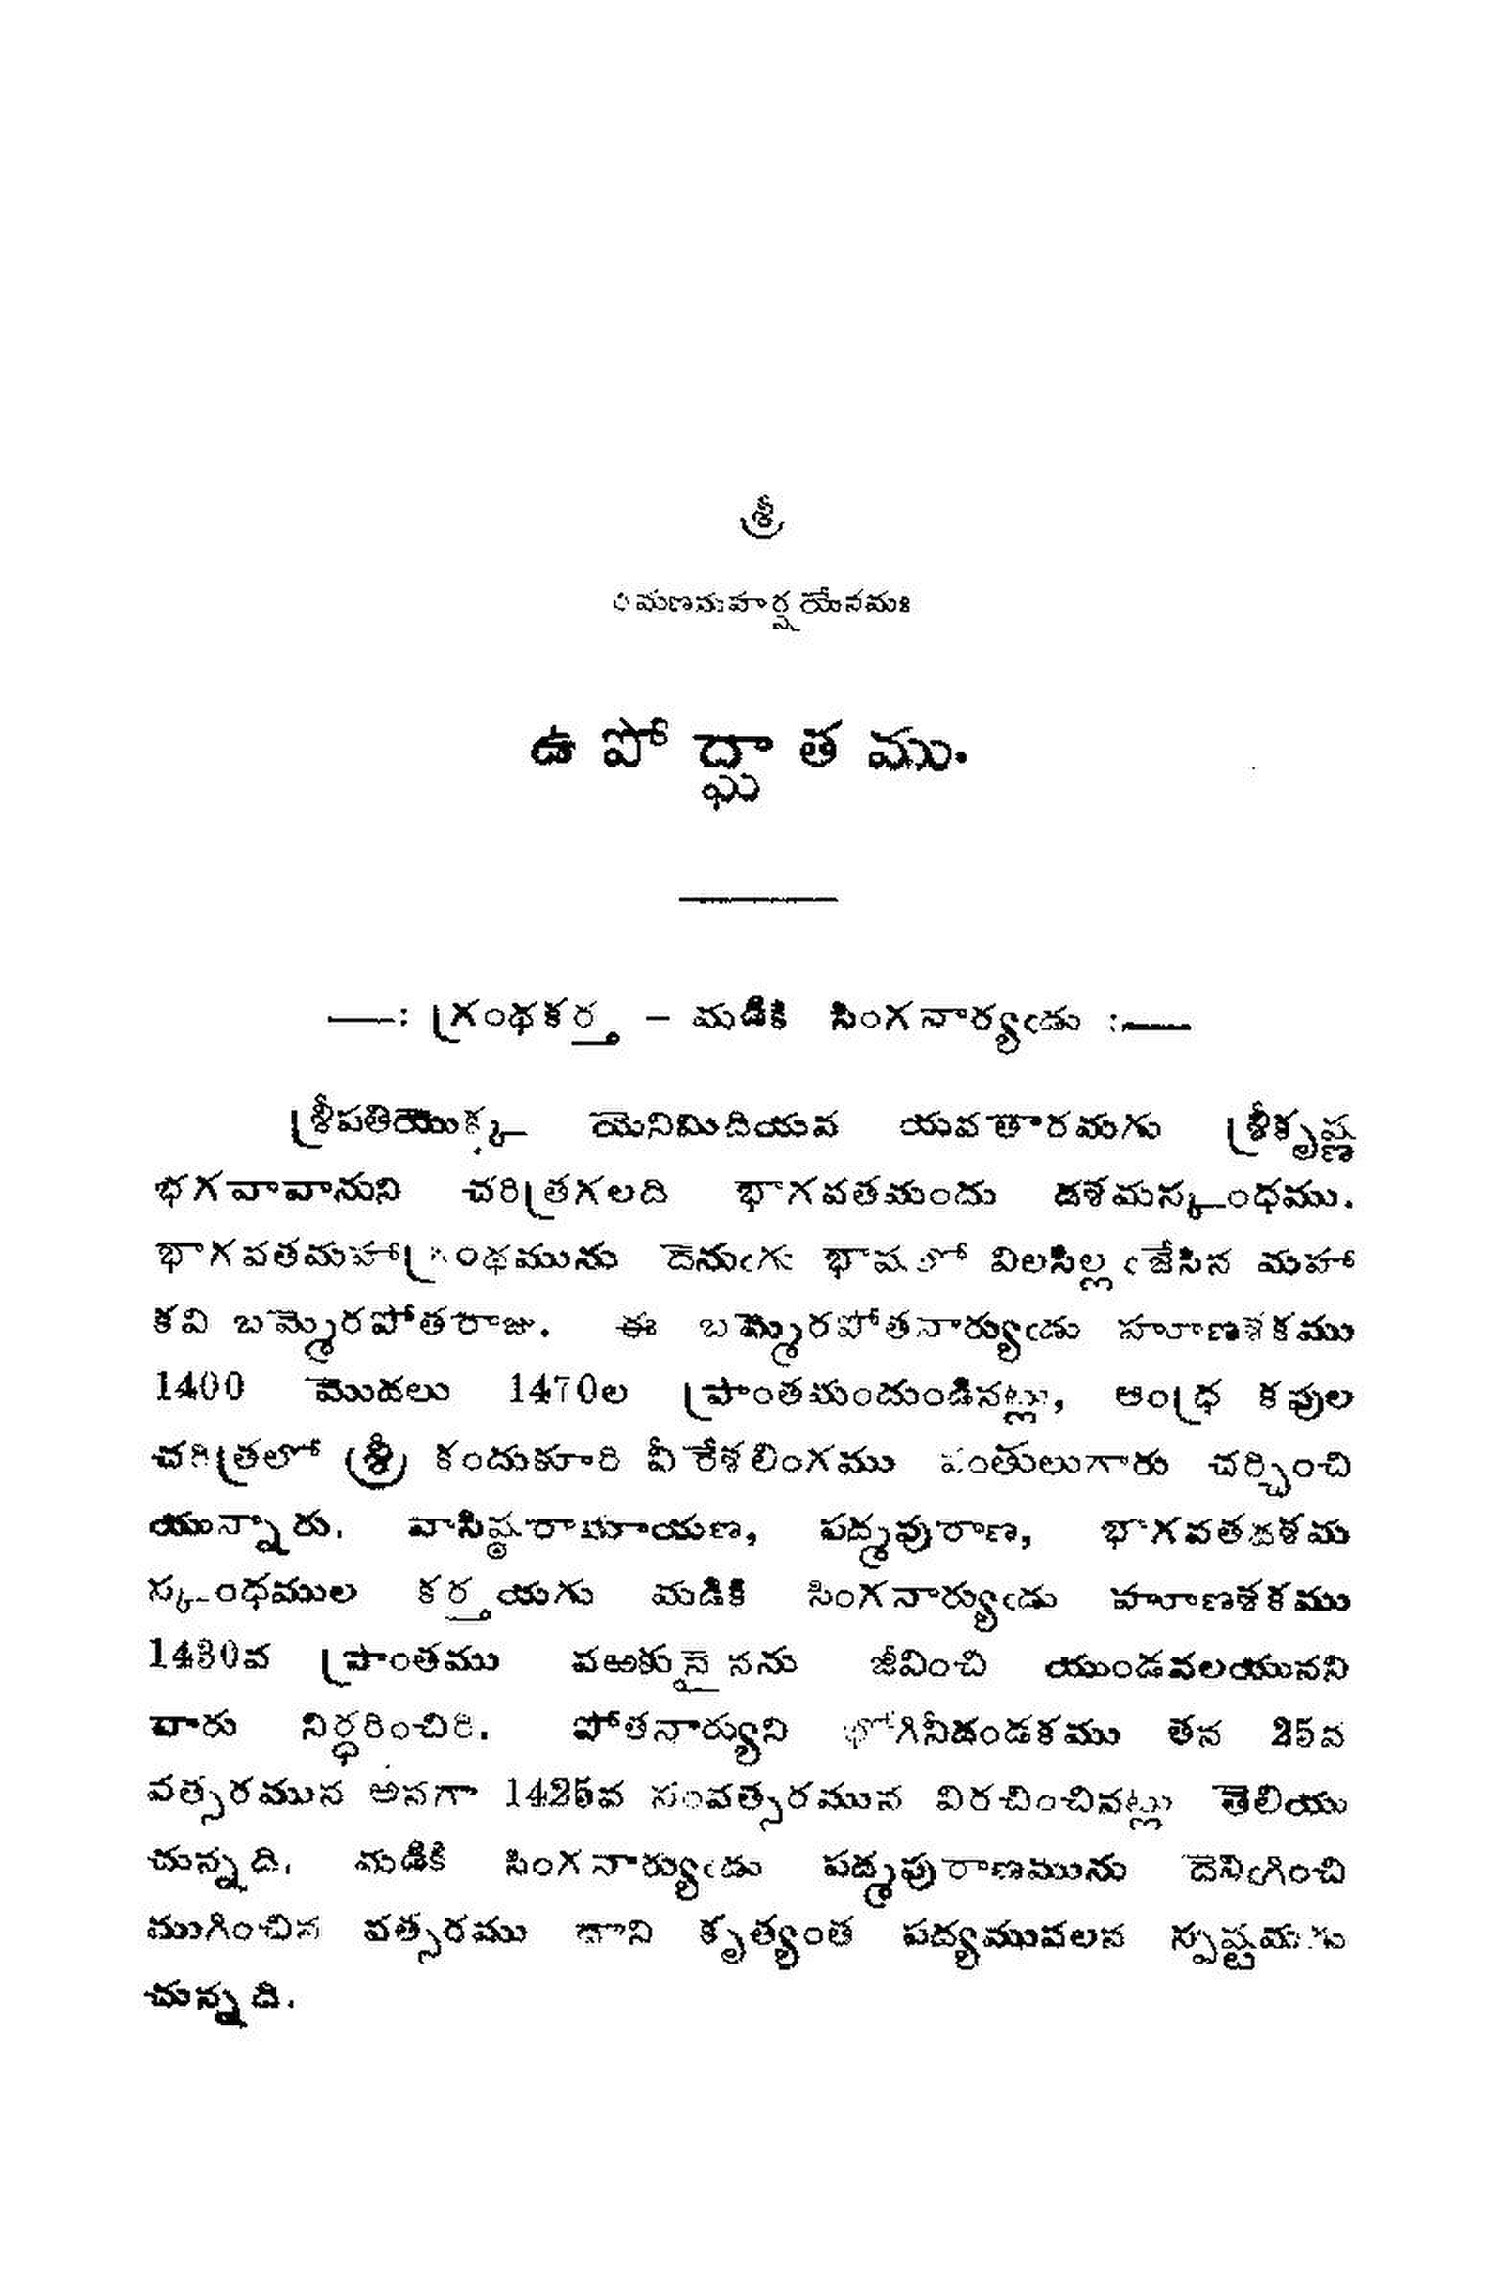ఉపోద్ఘాతము

శ్రీపతియొక్క యెనిమిదియవ యవతారమగు శ్రీకృష్ణ భగవానుని చరిత్ర గలది భాగవతమందు దశమస్కంధము. భాగవతమహాగ్రంథమును దెనుఁగు భాషలో విలసిల్లఁ జేసిన మహాకవి బమ్మెరపోతరాజు. ఈ బమ్మెరపోతనార్యుఁడు హూణశకము 1400 మొదలు 1470 ప్రాంతమందుండినట్లు, ఆంధ్ర కవుల చరిత్రలో శ్రీ కందుకూరి వీరేశలింగము పంతులుగారు చర్చించి యున్నారు. వాసిష్ఠరామాయణ, పద్మపురాణ, భాగవత దశమస్కంధముల కర్త యగు మడికి సింగనార్యుఁడు హూణశకము 1430వ ప్రాంతము వఱకు నైనను జీవించి యుండవలయునని వారు నిర్ధారించిరి. పోతనార్యుని భోగినీదండకము తన 25వ వత్సరమున అనగా 1425వ సంవత్సరమున విరచించినట్లు తెలియుచున్నది. మడికి సింగనార్యుఁడు పద్మపురాణమును దెనిఁగించి ముగించిన వత్సరము దాని కృత్యంత పద్యమువలన స్పష్టమగుచున్నది.